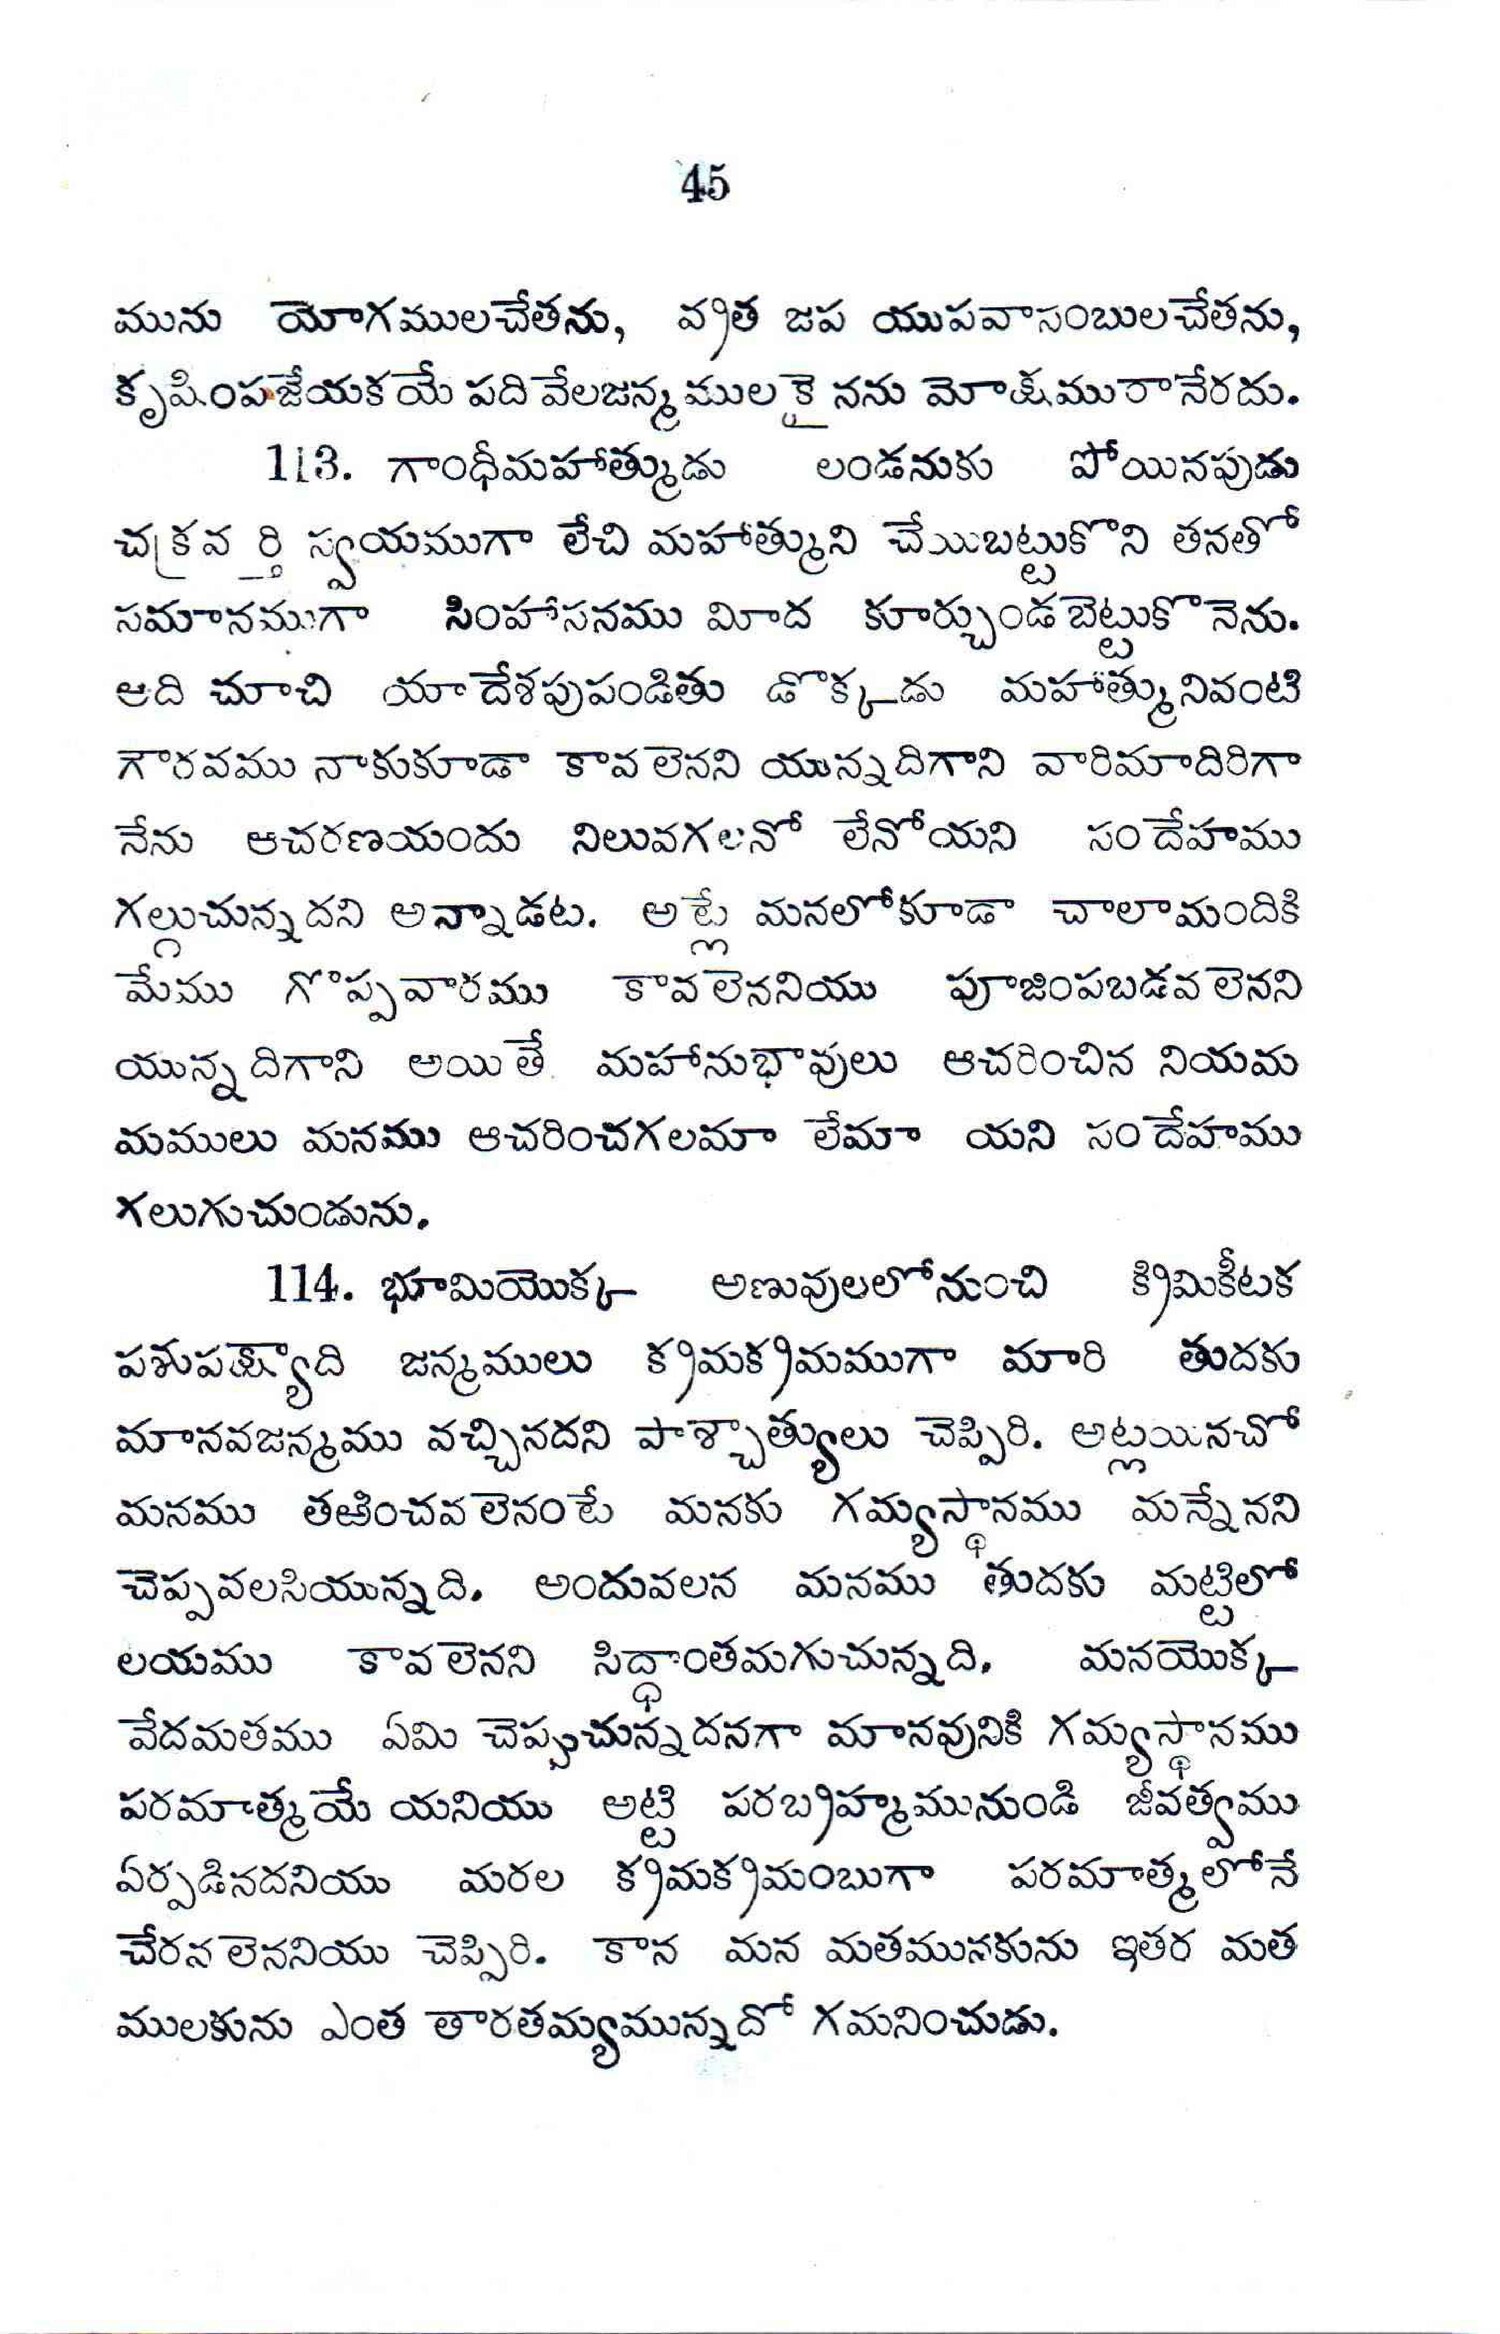మును యోగములచేతను, వాత జప యుపవాసంబుల చేతను, కృషింపజేయక యే పది వేలజన్మములకైనను మోక్షము రానేరదు. 
113. గాంధీమహాత్ముడు లండనుకు పోయినపుడు
చక్రవర్తి స్వయముగా లేచి మహాత్ముని చేబట్టుకొని తనతో సమానముగా సింహాసనము మీద కూర్చుండ బెట్టుకొనెను. ఆది చూచి యా దేశపు పండితు డొక్కడు మహాత్మునివంటి గౌరవము నాకుకూడా కావలెనని యున్నదిగాని వారిమాదిరిగా నేను ఆచరణయందు నిలువగలనో లేనోయని సందేహము గల్గుచున్నదని అన్నాడట. అట్లే మనలో కూడా చాలామందికి మేము గొప్పవారము కావలెననియు పూజింపబడవ లెనని యున్నదిగాని అయితే మహానుభావులు ఆచరించిన నియమ మములు మనము ఆచరించగలమా లేమా యని సందేహము గలుగుచుండును.

114. భూమియొక్క అణువులలో నుంచి క్రిమికీటక పశుపక్ష్యాది జన్మములు క్రమక్రమముగా మారి తుదకు మానవజన్మము వచ్చినదని పాశ్చాత్యులు చెప్పిరి. అట్లయినచో మనము తఱించవ లెనంటే మనకు గమ్యస్థానము మన్నేనని చెప్పవలసియున్నది. అందువలన మనము తుదకు మట్టిలో లయము కావ లెనని మన యొక్క సిద్ధాంతమగుచున్నది, వేదమతము ఏమి చెప్పుచున్నదనగా మానవునికి గమ్యస్థానము పరమాత్మయే యనియు అట్టి పరబ్రహ్మమునుండి జీవత్వము ఏర్పడినదనియు మరల క్రమక్రమంబుగా పరమాత్మలోనే చేరవలెననియు చెప్పిరి. కాన మన మతమునకును ఇతర మత ములకును ఎంత తారతమ్యమున్నదో గమనించుడు.